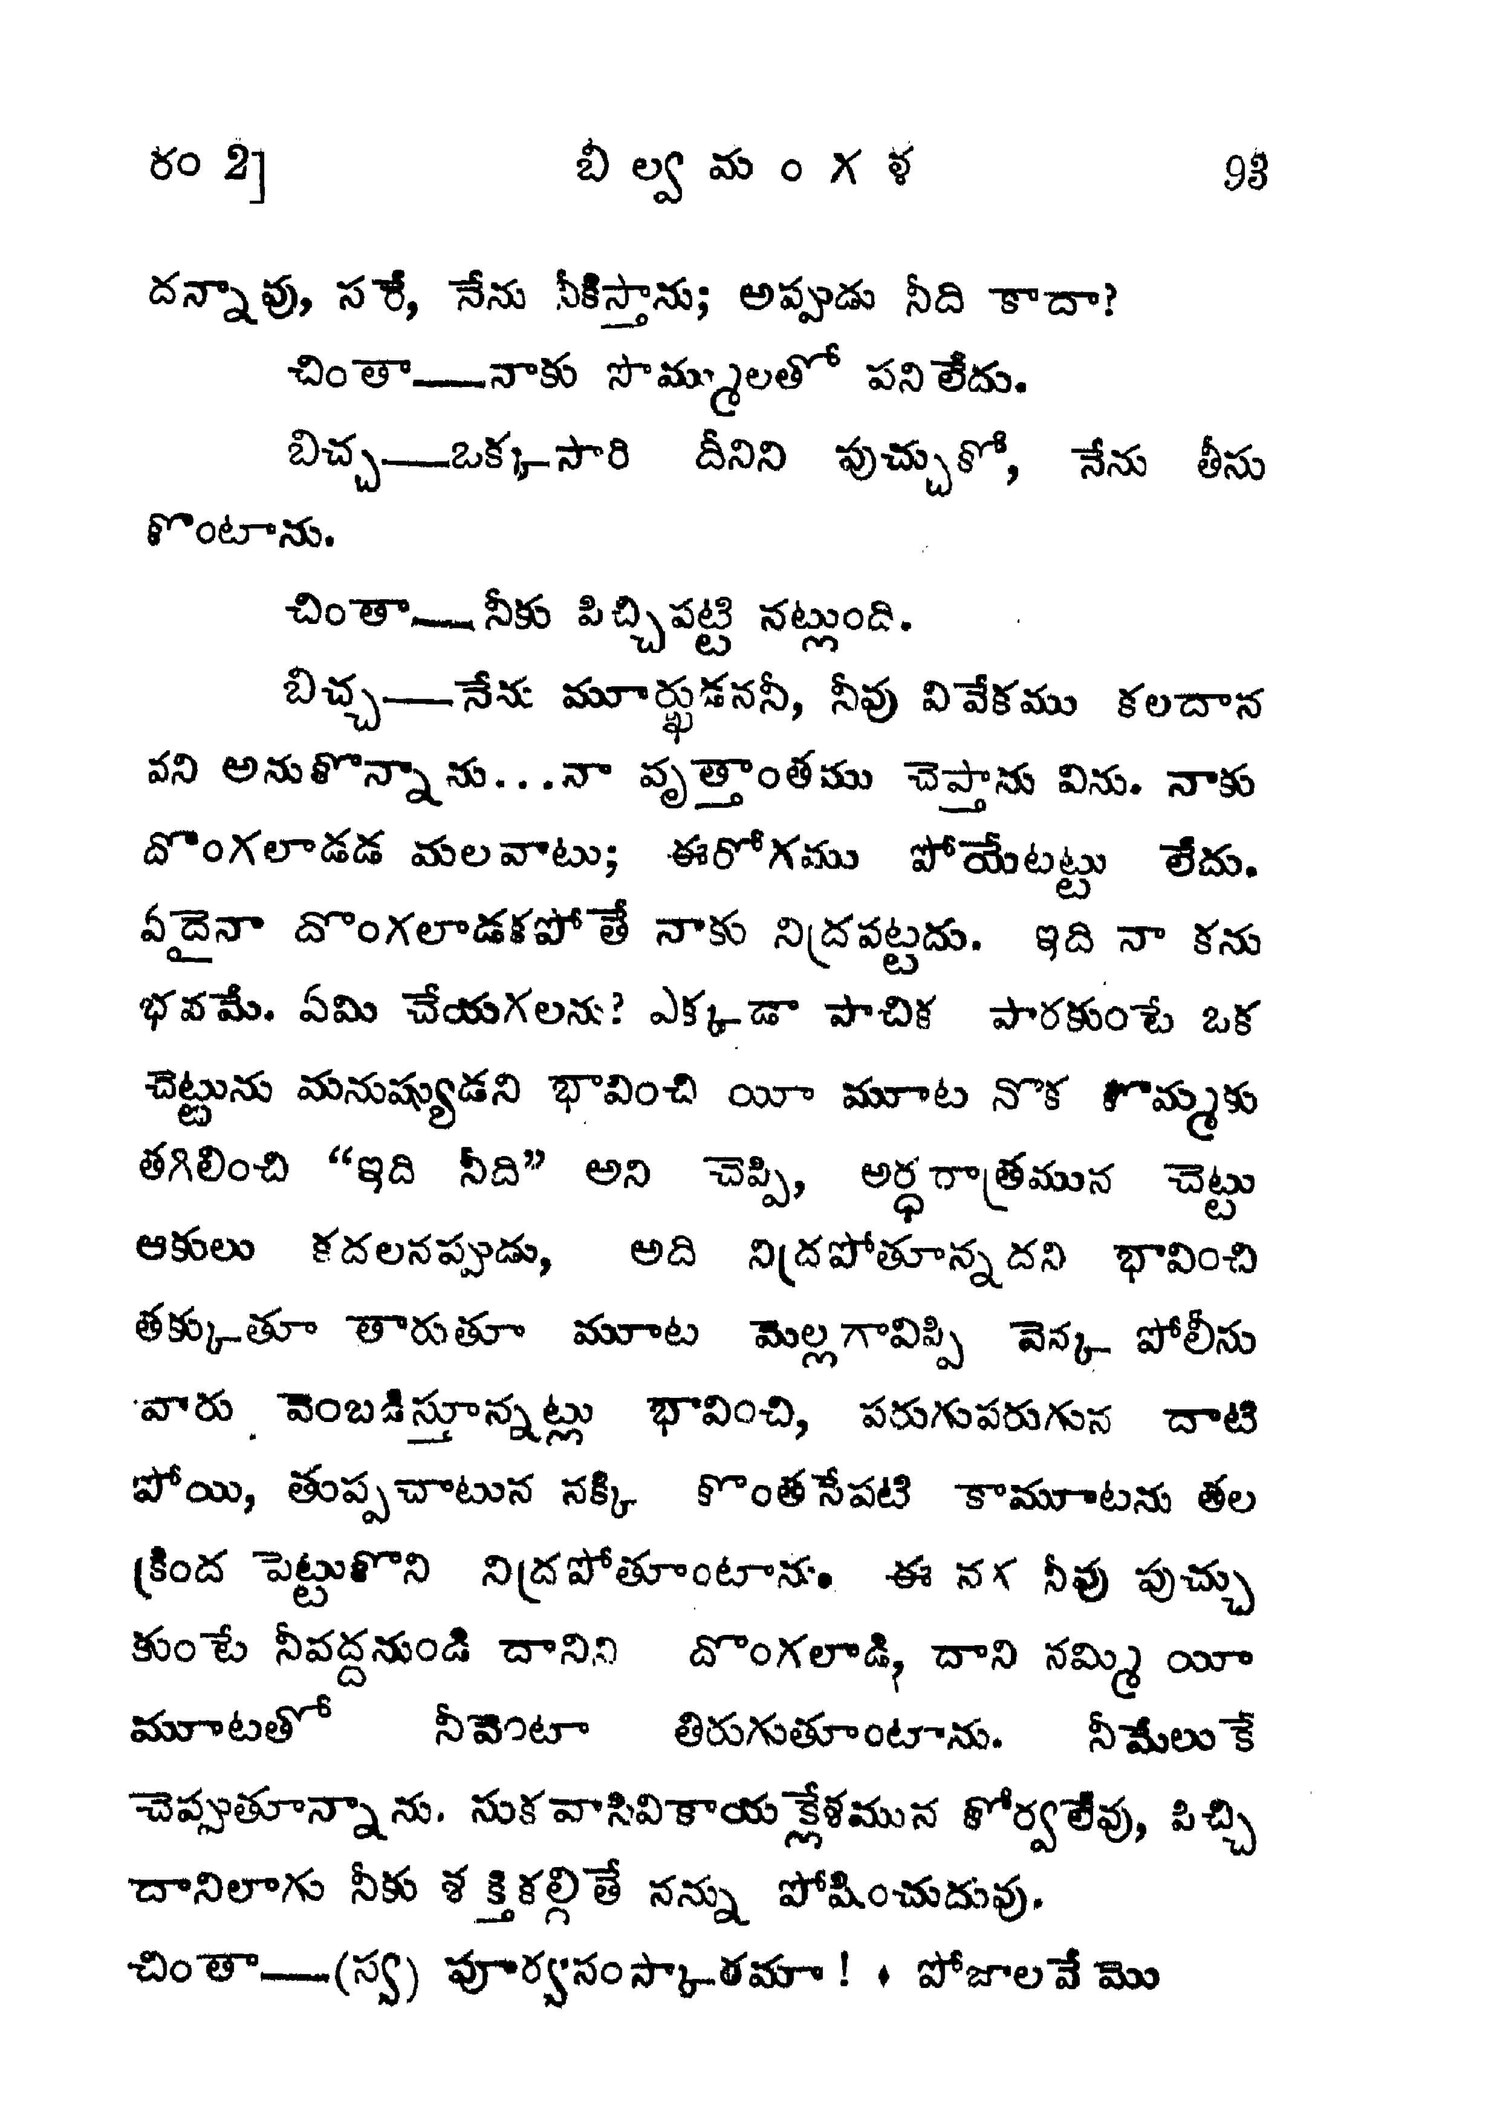దన్నావు, సరే, నేను నీకిస్తాను; అప్పుడు నీది కాదా?

చింతా - నాకు సొమ్ములతో పనిలేదు.

బిచ్చ - ఒక్కసారి దీనిని పుచ్చుకో, నేను తీసుకొంటాను.

చింతా - నీకు పిచ్చిపట్టి నట్లుంది.

బిచ్చ - నేను మూర్ఖుడననీ, నీవు వివేకము కలదానవని అనుకొన్నాను... నా వృత్తాంతము చెప్తాను విను. నాకు దొంగలాడడ మలవాటు; ఈరోగము పోయేటట్టు లేదు. ఏదైనా దొంగలాడకపోతే నాకు నిద్రపట్టదు. ఇది నా కనుభవమే. ఏమి చేయగలను? ఎక్కడా పాచిక పారకుంటే ఒక చెట్టును మనుష్యుడని భావించి యీ మూట నొక కొమ్మకు తగిలించి "ఇది నీది" అని చెప్పి, అర్ధరాత్రమున చెట్టు ఆకులు కదలనప్పుడు, అది నిద్రపోతూన్నదని భావించి తక్కుతూ తారుతూ మూట మెల్లగావిప్పి వెన్క పోలీసు వారు వెంబడిస్తూన్నట్లు భావించి, పరుగుపరుగున దాటి పోయి, తుప్పచాటున నక్కి కొంతసేపటి కామూటను తలక్రింద పెట్టుకొని నిద్రపోతూంటాను. ఈ నగ నీవు పుచ్చుకుంటే నీవద్దనుండి దానిని దొంగలాడి, దాని నమ్మి యీ మూటతో నీవెంటా తిరుగుతుంటాను. నీమేలుకే చెప్పుతూన్నాను. సుకవాసివి కాయక్లేశమున కోర్వలేవు, పిచ్చి దానిలాగు నీకు శక్తికల్గితే నన్ను పోషించుదువు.

చింతా - (స్వ) పూర్వసంస్కారమా! ♦ పోజాలవేమొ